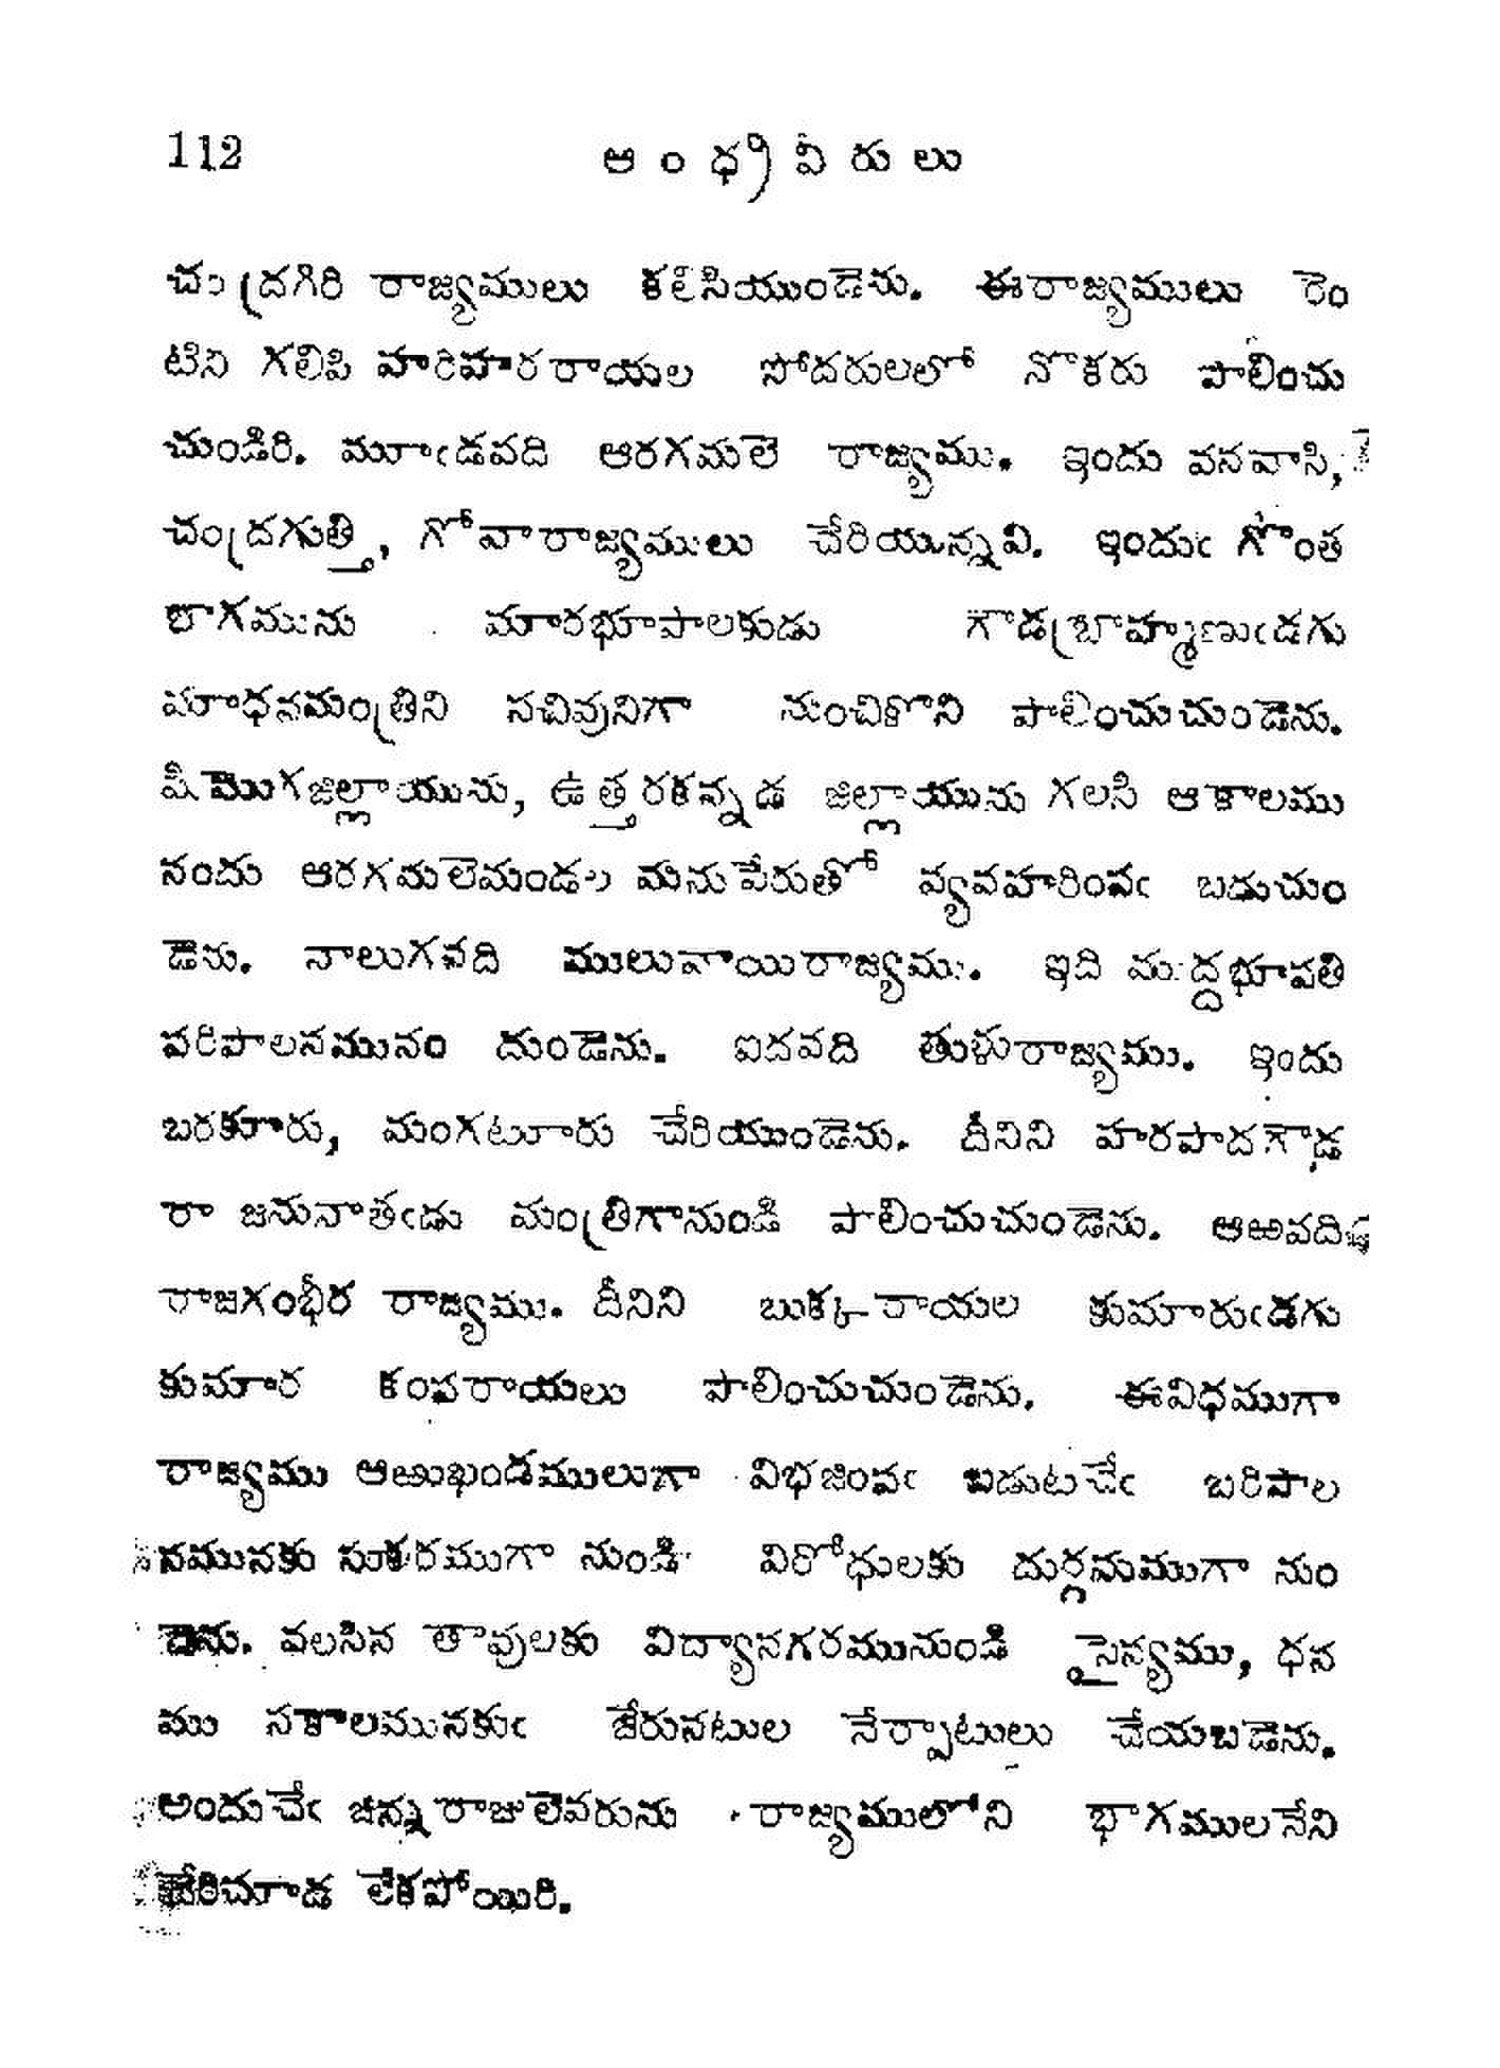చంద్రగిరి రాజ్యములు కలిసియుండెను. ఈరాజ్యములు రెంటిని గలిపి హరిహరరాయల సోదరులలో నొకరు పాలించుచుండిరి. మూడవది ఆరగమలె రాజ్యము. ఇందు వనవాసి, చంద్రగుత్తి, గోవారాజ్యములు చేరియున్నవి. ఇందు గొంత బాగమును మారభూపాలకుడు గౌడబ్రాహ్మణుడగు మాధవమంత్రిని సచివునిగా నుంచుకొని నుంచికొని పాలించుచుండెను. షిమొగజిల్లాయను, ఉత్తరకన్నడ జిల్లాయును గలసి ఆకాలము నందు ఆరగమలెమండల మనుపేరుతో వ్యవహరింప బడుచుండెను. నాలుగవది ములువాయిరాజ్యము. ఇది మద్దభూపతి పరిపాలనమునం దుండెను. ఐదవది తుళురాజ్యము. ఇందు బరకూరు, మంగటూరు చేరియుండెను. దీనిని హరపాదగౌడ రా జనునాతడు మంత్రిగానుండి పాలించుచుండెను. ఆఱవది రాజగంభీర రాజ్యము. దీనిని బుక్కరాయల కుమారుడగు కుమార కంపరాయలు పాలించుచుండెను. ఈవిధముగా రాజ్యము ఆఱుఖండములుగా విభజింప బడుటచే బరిపాలనమునకు సుకరముగా నుండి విరోధులకు దుర్గమముగా నుండెను. వలసిన తావులకు విద్యానగరమునుండి సైన్యము, ధనము సకాలమునకు జేరునటుల నేర్పాటులు చేయబడెను. అందుచే జిన్నరాజులెవరును రాజ్యములోని భాగములనేని దేరిచూడ లేకపోయిరి.